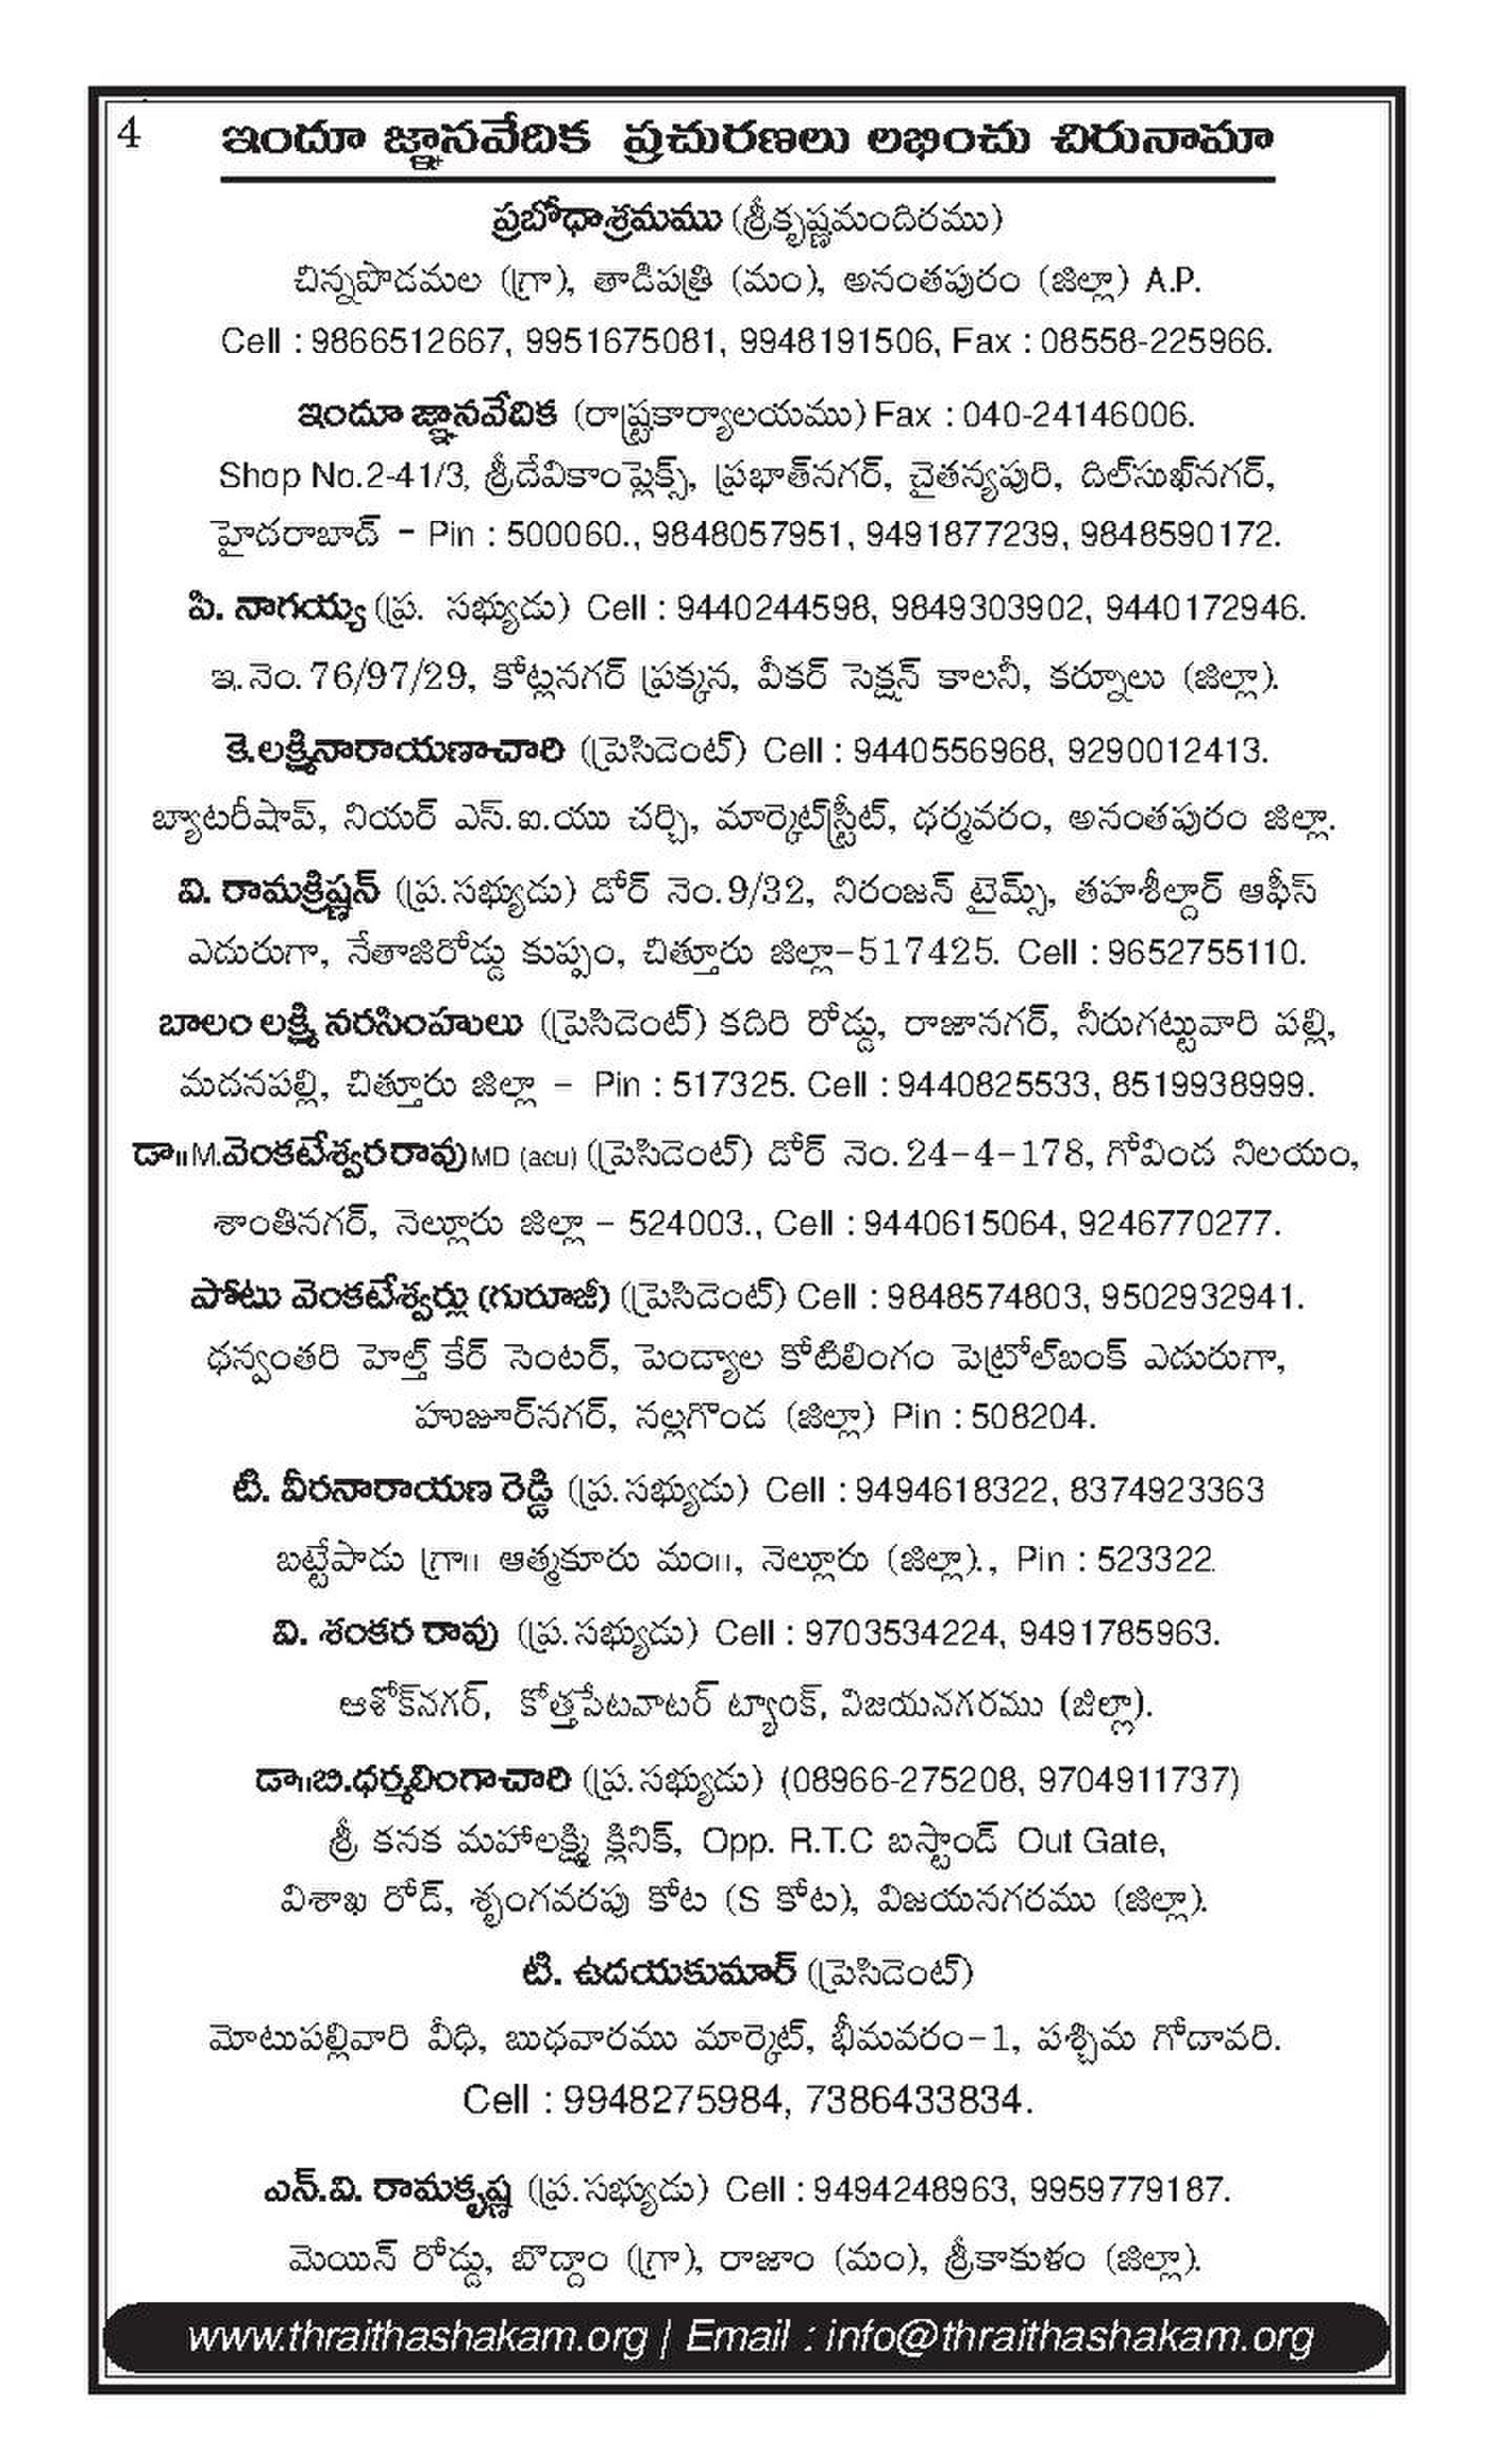ఇందూ జ్ఞానవేదిక ప్రచురణలు లభించు చిరునామా

ప్రబోధాశ్రమము (శ్రీకృష్ణమందిరము)
చిన్నపొడమల (గ్రా), తాడిపత్రి (మం), అనంతపురం (జిల్లా) A.P. 
Cell: 9866512667, 9951675081, 9948191506, Phone : 08558-225966. 
ఇందూ జ్ఞానవేదిక 
(రాష్ట్రకార్యాలయము) Phone : 040-24146006.
శ్రీదేవికాంప్లెక్స్‌, ప్రభాత్‌నగర్‌, చైతన్యపురి, దిల్‌సుఖ్‌నగర్‌, హైదరాబాద్‌ 
9848057951, 9491877239, 9848590172.

పి. నాగయ్య (ప్ర.సభ్యుడు) 
ఇ.నెం.76/97/29, కోట్లనగర్‌ ప్రక్కన, వీకర్‌ సెక్షన్‌ కాలనీ, కర్నూలు (జిల్లా).
cell : 9440244598, 9849303902,

బాలం లక్ష్మీనరసింహులు (ప్రెసిడెంట్‌) 
కదిరి రోడ్డు, రాజానగర్‌, నీరుగట్టువారి పల్లి, మదనపల్లి, చిత్తూరు జిల్లా.
Cell : 9440825533, 8519938999.

పోటు వెంకటేశ్వర్లు (గురూజీ) 
ధన్వంతరి హెల్త్‌ కేర్‌ సెంటర్‌,
 హుజూర్‌నగర్‌, నల్లగొండ (జిల్లా)
Cell : 9848574803, 9502932941.

పి. ఆదినారాయణ (ప్ర.సభ్యుడు) 
భాగ్యనగర్‌ ముద్దిరెడ్డి పల్లి (గ్రా॥), హిందూపురం (తా), అనంతపురం (జిల్లా).
cell : 9440745800, 7259851861.

కె.లక్ష్మినారాయణాచారి (ప్రెసిడెంట్‌) 
బ్యాటరీషాప్‌, నియర్‌ ఎస్‌.ఐ.యు చర్చి, మార్కెట్‌స్ట్రీట్‌, ధర్మవరం, అనంతపురం (జి)
Cell :9440556968, 9290012413,

అనమల మహేశ్వర్‌ (ప్రెసిడెంట్‌) 
చవటపాల్యం (గ్రా), గూడూరు (మం), నెల్లూరు జిల్లా. 
Cell : 9494631664, 9490809181, 8106065300.

డా॥యం. వెంకటేశ్వర రావు (ప్రెసిడెంట్‌) 
డోర్‌ నెం. 24-4-178, గోవింద నిలయం,
శాంతినగర్‌, నెల్లూరు జిల్లా-524003., 
Cell : 9440615064, 9246770277.

టి. వీరనారాయణ రెడ్డి (ప్ర.సభ్యుడు) 
బట్టేపాడు గ్రా॥ ఆత్మకూరు మం॥, నెల్లూరు (జిల్లా)., 
Cell : 9494618322, 8374923363

బి. ఆదిశేషయ్య (టీచర్‌) (ప్రెసిడెంట్‌) 
రామానుజం స్కూల్‌ దగ్గర, ఉప్పరవీధి, గుత్తి, అనంతపురం (జిల్లా)
Cell : 9491362448, 7382986963.

ఎన్‌.బి. నాయక్‌ (ప్ర.సభ్యుడు) 
పెదమడక, అగనంపూడి,విశాఖపట్నం (జిల్లా)
Cell: 7396492239, 9248315309

డా॥బి. ధర్మలింగాచారి (ప్ర.సభ్యుడు) 
శ్రీ కనక మహాలక్ష్మి క్లినిక్‌, 
(S కోట), విజయనగరము (జిల్లా).
Cell: 08966-275208, 9704911737

వి. శంకర రావు (ప్ర.సభ్యుడు) 
అశోక్‌నగర్‌, కొత్తపేటవాటర్‌ ట్యాంక్‌, విజయనగరము (జిల్లా).
Cell : 9703534224, 9491785963.

ఎ. నాగేంద్ర (ప్రెసిడెంట్‌) 
కమ్మపాలెం వీధి, క్రొత్త చెరువు (గ్రా, మం)
అనంతపురం జిల్లా. Cell : 9493622669,
9959316410, 9949995090.

రౌతు శ్రీనివాసరావు (ప్రెసిడెంట్‌) 
ఏటుకూడు రోడ్‌, దర్గామాన్యం, గుంటూరు (జి)
Cell : 9948014366, 9052870853

డి. బాలాజీ (వైస్‌ ప్రెసిడెంట్‌) 
బంగారు పాళ్యం (గ్రా), చిత్తూరు జిల్లా.
Cell: 9985483241, 7396077408.

వై. రేణుక దేవి (ఇ.సభ్యులు) 
పద్మావతినగర్‌, తిరుపతి.
Cell : 9491773455, 9032903955.

వి.సి.వర్మ (గురూజీ) ఆనందాశ్రమము
మజ్జివలస (గ్రా, పోస్టు), భీమిలి (మం), విశాఖపట్నం (జిల్లా) ` 531162.
Cell: 9441567394, 9502172711.

ఇందూ జ్ఞానవేదిక శాఖ
మద్దిగట్ల (గ్రా), పెద్దమందడి (మం),
మహబూబ్‌నగర్‌ (జిల్లా).
Cell : 8790558815, 9440655409,9701261165.

ఎన్‌.వి. రామకృష్ణ (ప్ర.సభ్యుడు) 
మెయిన్‌ రోడ్డు, బొద్దాం (గ్రా), 
రాజాం (మం), శ్రీకాకుళం (జిల్లా).

టి. ఉదయకుమార్‌ (ప్రెసిడెంట్‌) 
మోటుపల్లివారి వీధి, బుధవారము మార్కెట్‌, భీమవరం-1, పశ్చిమగోదావరి.
Cell: 9948275984, 7386433834.

ఎన్‌.వి. రామకృష్ణ (ప్ర.సభ్యుడు) 
మెయిన్‌ రోడ్డు, బొద్దాం (గ్రా), 
రాజాం (మం), శ్రీకాకుళం (జిల్లా).
Cell : 9494248963, 9959779187.

టి.వి. రమణ (ప్రెసిడెంట్‌) 
ముదిగుబ్బ (గ్రా, మం), కదిరి (తా),
అనంతపురం జిల్లా-515511.
Cell : 9440980036, 8185020272.

వి. రామక్రిష్ణన్‌ (వైస్‌ ప్రెసిడెంట్‌) 
నిరంజన్‌ టైమ్స్‌, తహశీల్దార్‌ ఆఫీస్‌ ఎదురుగా, 
నేతాజిరోడ్డు కుప్పం, చిత్తూరు జిల్లా
Cell : 9652755110.